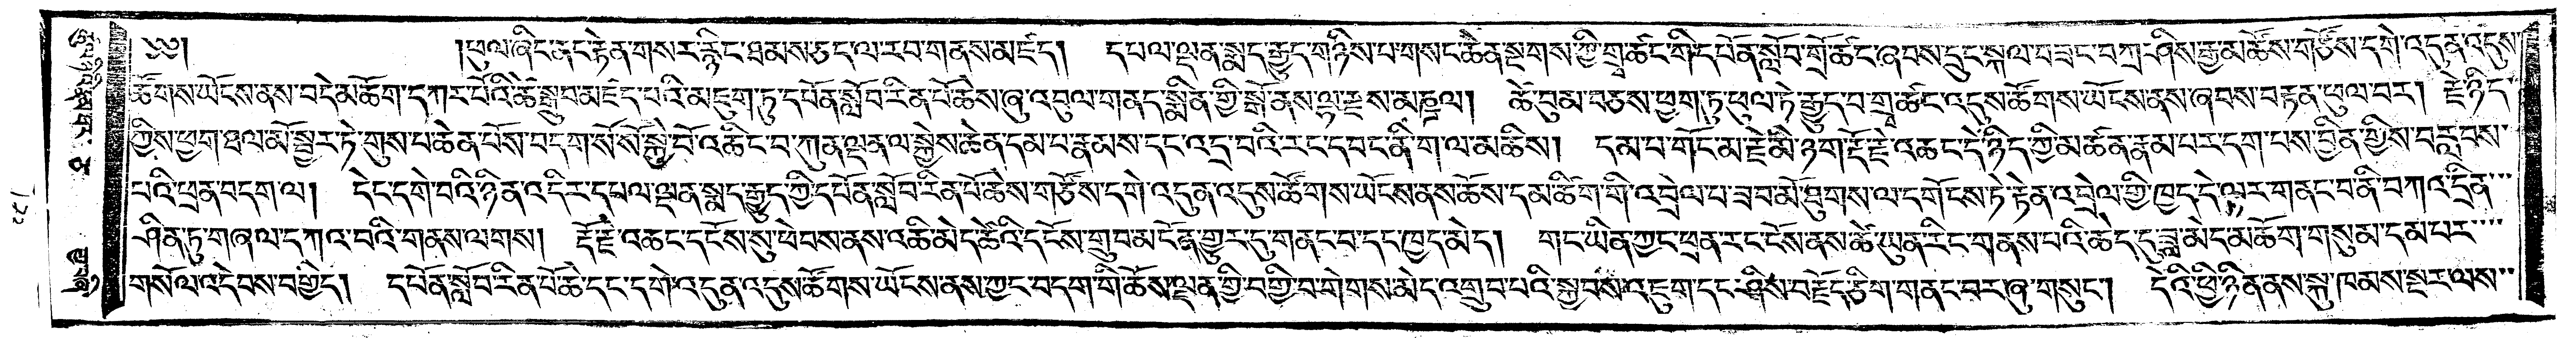༄༅། །ཕུལ་ཞིང་ནང་རྟེན་གསར་རྙིང་ཐམས་ཅད་ལ་རབ་གནས་མཛད། དཔལ་ལྡན་སྨད་རྒྱུད་གཉིས་པ་གསང་ཆེན་སྔགས་ཀྱི་གྲྭ་ཚང་གི་དཔོན་སློབ་གྲོ་ཚང་ཞབས་དྲུང་སྐལ་བཟང་བཀྲ་ཤིས་རྒྱ་མཚོས་གཙོས་དགེ་འདུན་འདུས་
ཚོགས་ཡོངས་ནས་བདེ་མཆོག་དཀར་བོའི་ཚེ་སྒྲུབ་མཛད་པའི་མཇུག་ཏུ་དཔོན་སློབ་རིན་པོ་ཆེས་ཞུ་འབུལ་གནང་སྨིན་གྱི་སྒོ་ནས་ལྷ་རྫས་མཎྜལ། ཚེ་བུམ་བཅས་ཕྱག་ཏུ་ཕུལ་ཏེ་རྒྱུད་པ་གྲྭ་ཚང་འདུས་ཚོགས་ཡོངས་ནས་ཞབས་བརྟན་ཕུལ་བར། རྗེ་ཉིད་
ཀྱིས་ཕྱག་ཐལ་མོ་སྦྱར་ཏེ་གུས་པ་ཆེན་པོས་བདག་སོ་སོ་སྐྱེ་བོ་འཆིང་བ་ཀུན་ལྡན་ལ་སྐྱེས་ཆེན་དམ་པ་རྣམས་དང་འདྲ་བའི་རང་དབང་ནི་ག་ལ་མཆིས། དམ་པ་གོང་མ་རྗེ་མི་ཉག་རྡོ་རྗེ་འཆང་དེ་ཉིད་ཀྱི་མཚན་རྣམ་པར་དག་པས་བྱིན་གྱིས་བརླབས་
པའི་ཕྲན་བདག་ལ། དེང་དགེ་བའི་ཉིན་འདིར་དཔལ་ལྡན་སྨད་རྒྱུད་ཀྱི་དཔོན་སློབ་རིན་པོ་ཆེས་གཙོས་དགེ་འདུན་འདུས་ཚོགས་ཡོངས་ནས་ཆོས་དམ་ཚིག་གི་འབྲེལ་བ་ཟབ་མོ་ཐུགས་ལ་དགོངས་ཏེ་རྟེན་འབྲེལ་གྱི་ཁྱད་དེ་ལྟར་གནང་བ་ནི་བཀའ་དྲིན་
ཤིན་ཏུ་གཞལ་དཀའ་བའི་གནས་ལགས། རྡོ་རྗེ་འཆང་དངོས་སུ་ཕེབས་ནས་འཆི་མེད་ཚེའི་དངོས་གྲུབ་མངོན་གྱུར་དུ་གནང་བ་དང་ཁྱད་མེད། གང་ཡིན་ཀྱང་ཕྲན་རང་ངོས་ནས་ཚེ་ཡུན་རིང་གནས་བའི་ཆེད་དུ་ཟླ་མེད་མཆོག་གསུམ་དམ་པར་
གསོལ་འདེབས་བགྱིད། དཔོན་སློབ་རིན་པོ་ཆེ་དང་དགེ་འདུན་འདུས་ཚོགས་ཡོངས་ནས་ཀྱང་བདག་གི་ཆོས་ལྡན་གྱི་བགྱི་བ་གེགས་མེད་འགྲུབ་པའི་སྐྱབས་འཇུག་དང་ཤིས་བརྗོད་ཅིག་གནང་བར་ཞུ་གསུང་། དེའི་ཕྱི་ཉིན་ནས་སྐུ་ཁམས་སྔར་ལས་